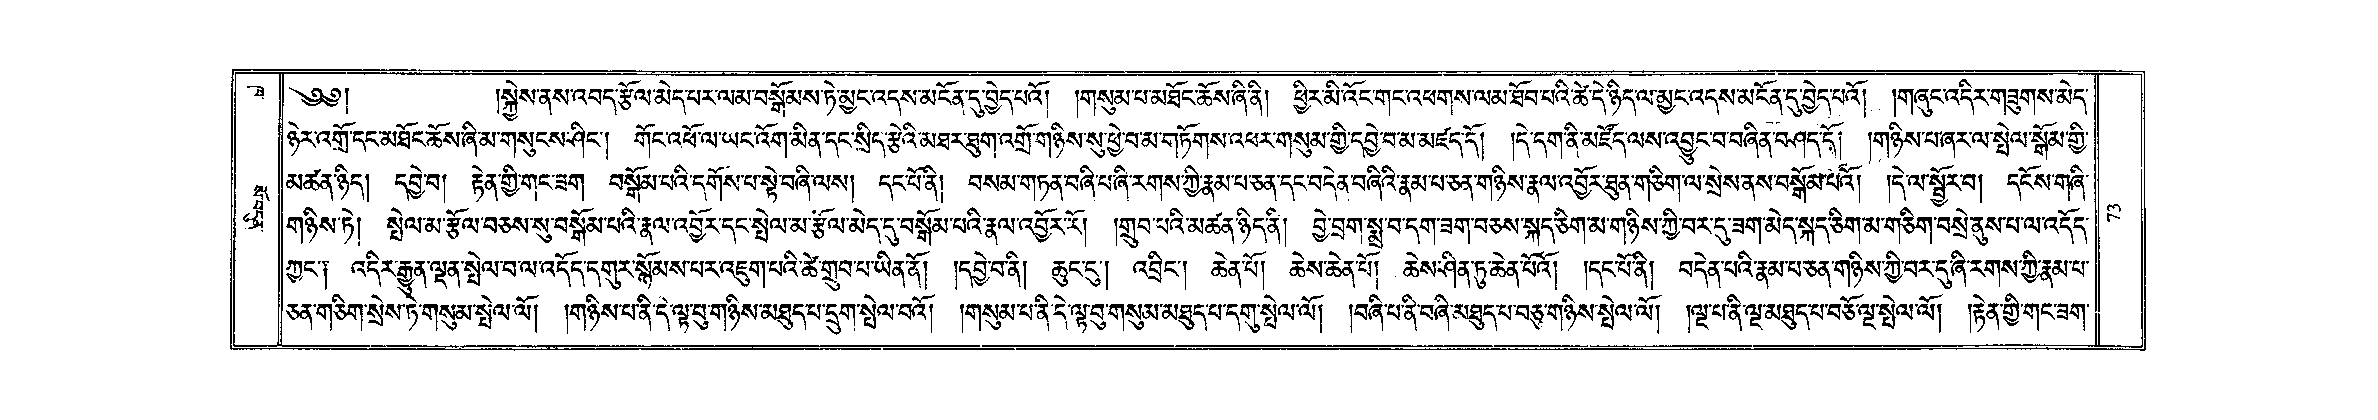༄༅། །སྐྱེས་ནས་འབད་རྩོལ་མེད་པར་ལམ་བསྒོམས་ཏེ་མྱང་འདས་མངོན་དུ་བྱེད་པའོ། །གསུམ་པ་མཐོང་ཆོས་ཞི་ནི། ཕྱིར་མི་འོང་གང་འཕགས་ལམ་ཐོབ་པའི་ཚེ་དེ་ཉིད་ལ་མྱང་འདས་མངོན་དུ་བྱེད་པའོ། །གཞུང་འདིར་གཟུགས་མེད་
ཉེར་འགྲོ་དང་མཐོང་ཆོས་ཞིམ་གསུངས་ཤིང་། གོང་འཕོ་ལ་ཡང་འོག་མིན་དང་སྲིད་རྩེའི་མཐར་ཐུག་འགྲོ་གཉིས་སུ་ཕྱེ་བ་མ་གཏོགས་འཕར་གསུམ་གྱི་དབྱེ་བ་མ་མཛད་དོ། །དེ་དག་ནི་མཛོད་ལས་འབྱུང་བ་བཞིན་བཤད་དོ། །གཉིས་པ་ཞར་ལ་སྤེལ་སྒོམ་གྱི་
མཚན་ཉིད། དབྱེ་བ། རྟེན་གྱི་གང་ཟག་བསྒོམ་པའི་དགོས་པ་སྟེ་བཞི་ལས། དང་པོ་ནི། བསམ་གཏན་བཞི་བཞི་རགས་ཀྱི་རྣམ་པ་ཅན་དང་བདེན་བཞིའི་རྣམ་པ་ཅན་གཉིས་རྣལ་འབྱོར་ཐུན་གཅིག་ལ་སྲེས་ནས་བསྒོམ་པའོ། །དེ་ལ་སྦྱོར་བ། དངོས་གཞི་
གཉིས་ཏེ། སྤེལ་མ་རྩོལ་བཅས་སུ་བསྒོམ་པའི་རྣལ་འབྱོར་དང་སྤེལ་མ་རྩོལ་མེད་དུ་བསྒོམ་པའི་རྣལ་འབྱོར་རོ། །གྲུབ་པའི་མཚན་ཉིད་ནི། བྱེ་བྲག་སྨྲ་བ་དག་ཟག་བཅས་སྐད་ཅིག་མ་གཉིས་ཀྱི་བར་དུ་ཟག་མེད་སྐད་ཅིག་མ་གཅིག་བསྲེ་ནུས་པ་ལ་འདོད་
ཀྱང་། འདིར་རྒྱུན་ལྡན་སྤེལ་བ་ལ་འདོད་དགུར་སྙོམས་པར་འཇུག་པའི་ཚེ་གྲུབ་པ་ཡིན་ནོ། །དབྱེ་བ་ནི། ཆུང་ངུ། འབྲིང་། ཆེན་པོ། ཆེས་ཆེན་པོ། ཆེས་ཤིན་ཏུ་ཆེན་པོའོ། །དང་པོ་ནི། བདེན་པའི་རྣམ་པ་ཅན་གཉིས་ཀྱི་བར་དུ་ཞི་རགས་ཀྱི་རྣམ་པ་
ཅན་གཅིག་སྲེས་ཏེ་གསུམ་སྤེལ་ལོ། །གཉིས་པ་ནི་དེ་ལྟ་བུ་གཉིས་མཐུད་པ་དྲུག་སྤེལ་བའོ། །གསུམ་པ་ནི་དེ་ལྟ་བུ་གསུམ་མཐུད་པ་དགུ་སྤེལ་ལོ། །བཞི་པ་ནི་བཞི་མཐུད་པ་བཅུ་གཉིས་སྤེལ་ལོ། །ལྔ་པ་ནི་ལྔ་མཐུད་པ་བཅོ་ལྔ་སྤེལ་ལོ། །རྟེན་གྱི་གང་ཟག་